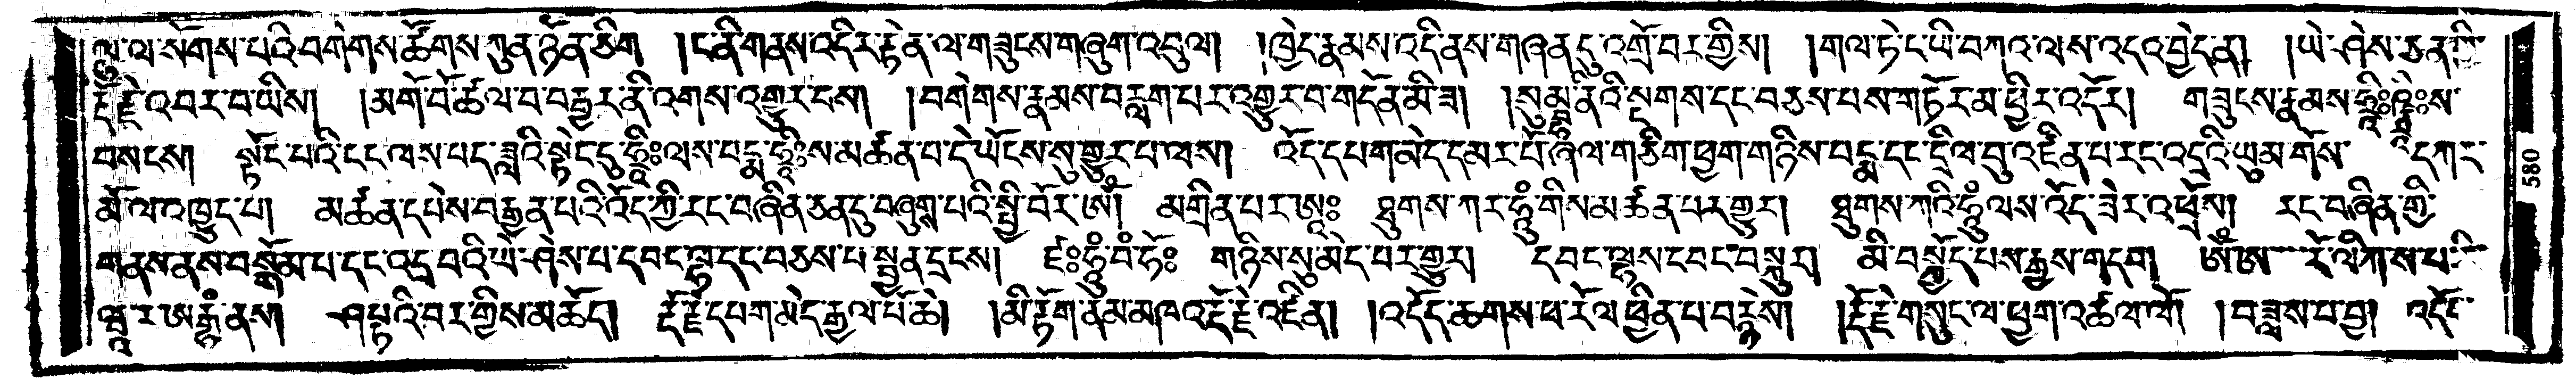ལྷ་ལ་སོགས་པའི་བགེགས་ཚོགས་ཀུན་ཉོན་ཅིག །ང་ནི་གནས་འདིར་རྟེན་ལ་གཟུངས་གཞུག་འབུལ། །ཁྱེད་རྣམས་འདི་ནས་གཞན་དུ་འགྲོ་བར་གྱིས། །གལ་ཏེ་ང་ཡི་བཀའ་ལས་འདའ་བྱེད་ན། །ཡེ་ཤེས་ཅན་ཀྱི་
རྡོ་རྗེ་འབར་བ་ཡིས། །མགོ་བོ་ཚལ་བ་བརྒྱར་ནི་འགས་འགྱུར་བས། །བགེགས་རྣམས་བརླག་བར་འགྱུར་བ་གདོན་མི་ཟ། །སུམྦྷ་ནའི་སྔགས་དང་བཅས་པས་གཏོར་མ་ཕྱིར་འདོར། གཟུངས་རྣམས་ཧྲཱིཿ ཥྚཱིཿ ས་
བསངས། སྟོང་པའི་ངང་ལས་པད་ཟླའི་སྟེང་དུ་ཧྲཱིཿ ལས་པདམ་ཧྲཱིཿ ས་མཚན་པ་དེ་ཡོངས་སུ་གྱུར་བ་ལས། འོད་དཔག་མེད་དམར་པོ་ཞལ་གཅིག་ཕྱག་གཉིས་པདམ་དང་དྲིལ་བུ་འཛིན་པ་རང་འདྲའི་ཡུམ་གོས་དཀར་
མོ་ལ་འཁྱུད་པ། མཚན་དཔེས་བརྒྱན་པའི་འོད་ཀྱི་རང་བཞིན་ཅན་དུ་བཞུགས་པའི་སྤྱི་བོར་ཨོཾ། མགྲིན་པར་ཨཱཿ ཐུགས་ཀར་ཧཱུཾ་གིས་མཚན་པར་གྱུར། ཐུགས་ཀའི་ཧཱུཾ་ལས་འོད་ཟེར་འཕྲོས། རང་བཞིན་གྱི་
གནས་ནས་བསྒོམ་པ་དང་འདྲ་བའི་ཡེ་ཤེས་བ་དབང་ལྷ་དང་བཅས་པ་སྦྱན་དྲངས། ཛཿ ཧཱུཾ་བཾ་ཧོཿ གཉིས་སུ་མེད་བར་གྱུར། དབང་ལྷས་དབང་བསྐུར། མི་བསྐྱོད་པས་རྒྱས་གདག་ཨོཾ་ཨ་རོ་ལི་ཀ་ས་པ་རི་
ཝཱ་ར་ཨརྒྷཾ་ནས། ཤཔྟའི་བར་གྱིས་མཆོད། རྡོ་རྗེ་དཔག་མེད་རྒྱལ་པོ་ཆེ། །མི་རྟོག་ནམ་མཁའ་རྡོ་རྗེ་འཛིན། །འདོད་ཆགས་ཕ་རོལ་ཕྱིན་པ་བརྙེས། །རྡོ་རྗེ་གསུང་ལ་ཕྱག་འཚལ་ལོ། །བཟླས་བ་བྱ། འདོང་